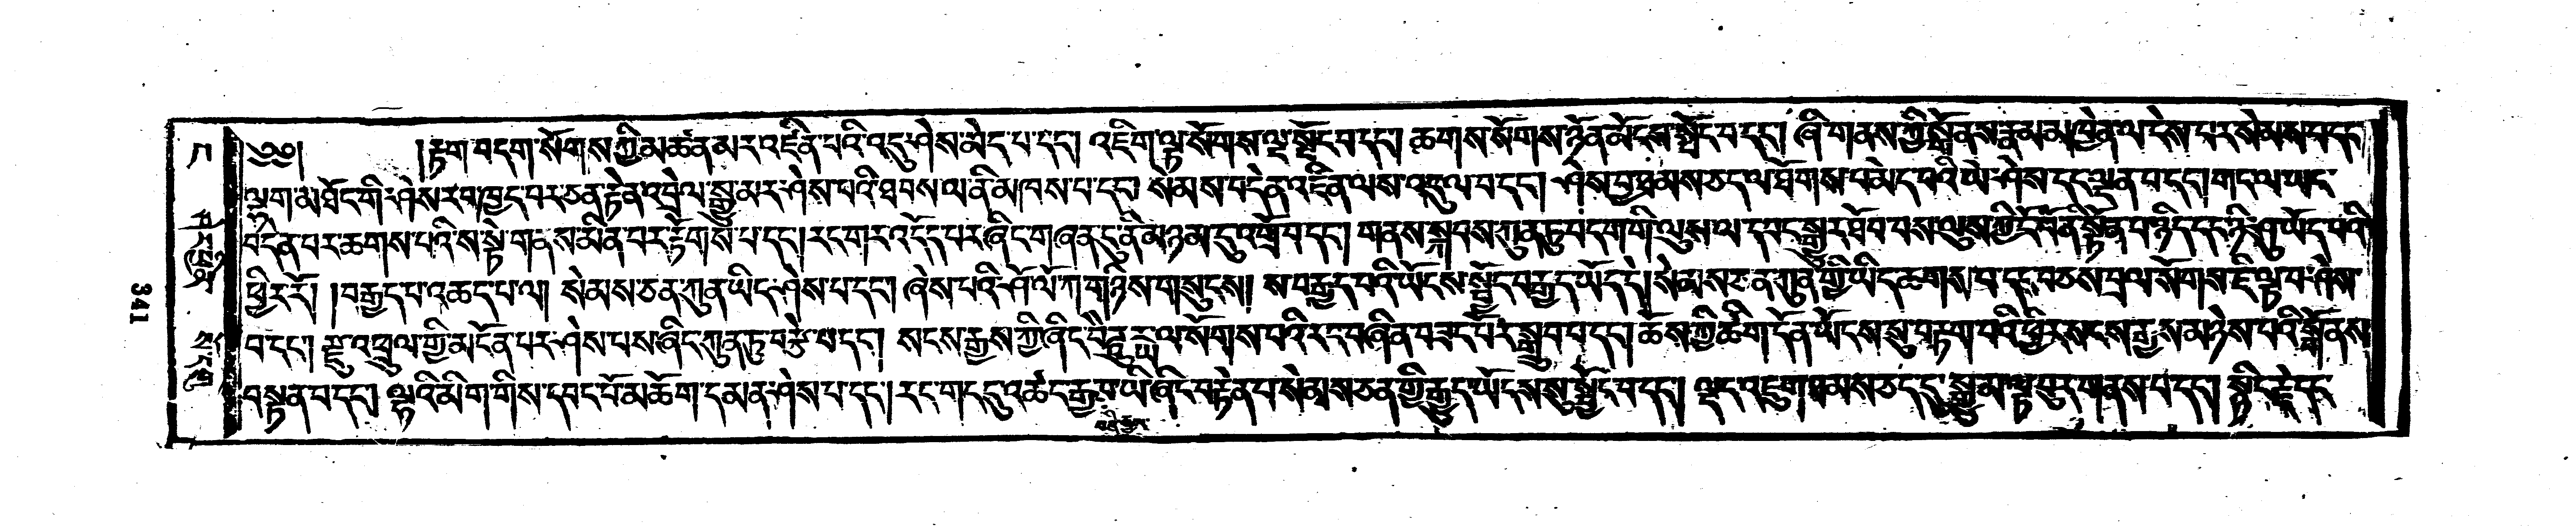༄༅། །རྟག་བདག་སོགས་ཀྱི་མཚན་མར་འཛིན་པའི་འདུ་ཤེས་མེད་པ་དང་། འཇིག་ལྟ་སོགས་ལྔ་སྤོང་བ་དང་། ཆགས་སོགས་ཉོན་མོངས་སྤོང་བ་དང་། ཞི་གནས་ཀྱི་སྒོ་ནས་རྣམ་མཁྱེན་ལ་ངེས་པར་སེམས་པ་དང་
ལྷག་མཐོང་གི་ཤེས་རབ་ཁྱད་པར་ཅན་རྟེན་འབྲེལ་སྒྱུ་མར་ཤེས་པའི་ཐབས་ལ་ནི་མཁས་པ་དང་། སེམས་བདེན་འཛིན་ལས་འདུལ་བ་དང་། ཤེས་བྱ་ཐམས་ཅད་ལ་ཐོགས་པ་མེད་པའི་ཡེ་ཤེས་དང་ལྡན་པ་དང་། གང་ལ་ཡང་
བདེན་པར་ཆགས་པའི་ས་སྟེ་གནས་མིན་པར་རྟོགས་པ་དང་། རང་གར་འདོད་པར་ཞིང་གཞན་དུ་ནི་མཉམ་དུ་འགྲོ་བ་དང་། གནས་སྐབས་ཀུན་ཏུ་བདག་གི་ལུས་ལ་དབང་སྒྱུར་ཐོབ་པས་ལུས་ཀྱི་ངོ་བོ་ནི་སྟོན་པ་ཉིད་དང་ཉི་ཤུ་ཡོད་པའི་
ཕྱིར་རོ། །བརྒྱད་པ་འཆད་པ་ལ། སེམས་ཅན་ཀུན་ཡིད་ཤེས་པ་དང་། ཞེས་པའི་ཤོ་ལོ་ཀ་གཉིས་གསུངས། ས་བརྒྱད་པའི་ཡོངས་སྦྱོང་བརྒྱད་ཡོད་དེ། སེམས་ཅན་ཀུན་གྱི་ཡིད་ཆགས་པ་དང་བཅས་བྲལ་སོགས་ཇི་ལྟ་བ་ཤེས་
པ་དང་། རྫུ་འཕྲུལ་གྱི་མངོན་པར་ཤེས་པས་ཞིང་ཀུན་ཏུ་བརྩེ་བ་དང་། སངས་རྒྱས་ཀྱི་ཞིང་བཻཌཱུརྱ་ལ་སོགས་པའི་རང་བཞིན་བཟང་པོར་སྒྲུབ་པ་དང་། ཆོས་ཀྱི་ཚིག་དོན་ཡོངས་སུ་བརྟག་པའི་ཕྱིར་སངས་རྒྱས་མཉེས་པའི་སྒོ་ནས་
བསྟན་པ་དང་། ལྷའི་མིག་གིས་དབང་པོ་མཆོག་དམན་ཤེས་པ་དང་། རང་གང་དུ་འཚང་རྒྱ་བའི་རྒྱལ་བ་ཡི་ཞིང་བརྟེན་པ་སེམས་ཅན་གྱི་རྒྱུད་ཡོངས་སུ་སྦྱོང་བ་དང་། ལྡང་འཇུག་ཐམས་ཅད་དུ་སྒྱུ་མ་ལྟ་བུར་གནས་པ་དང་། སྙིང་རྗེ་དང་